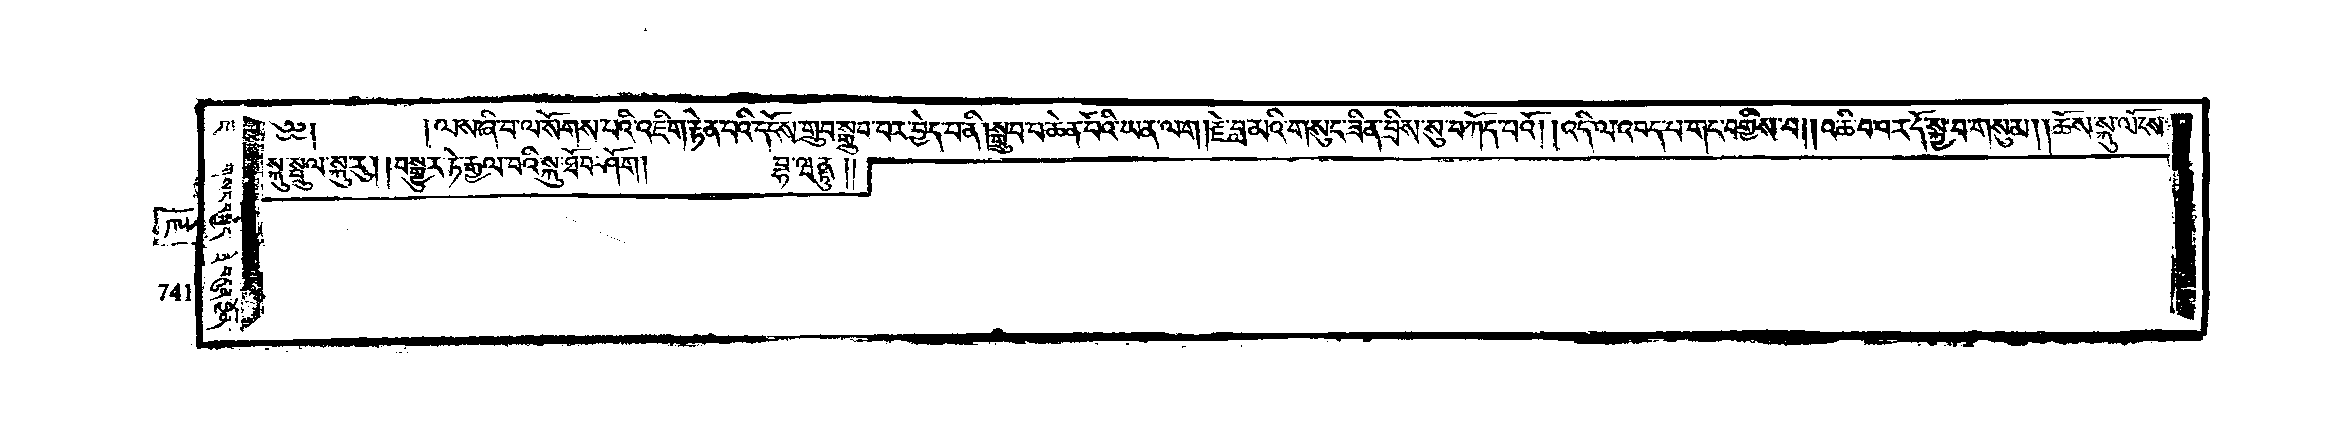༄༅། །ལས་ཞི་བ་ལ་སོགས་པའི་འཇིག་རྟེན་པའི་དངོས་གྲུབ་སྒྲུབ་པར་བྱེད་པ་ནི། སྒྲུབ་པ་ཆེན་པོའི་ཡན་ལག །རྗེ་བླ་མའི་གསུང་ཟིན་བྲིས་སུ་བཀོད་པའོ། །འདི་ལ་འབད་པ་གང་བགྱིས་པ། །འཆི་བ་བར་དོ་སྐྱེ་བ་གསུམ། །ཆོས་སྐུ་ལོངས་
སྐུ་སྤྲུལ་སྐུ་རུ། །བསྒྱུར་ཏེ་རྒྱལ་བའི་སྐུ་ཐོབ་ཤོག །བྷ་ཝནྟུ། །